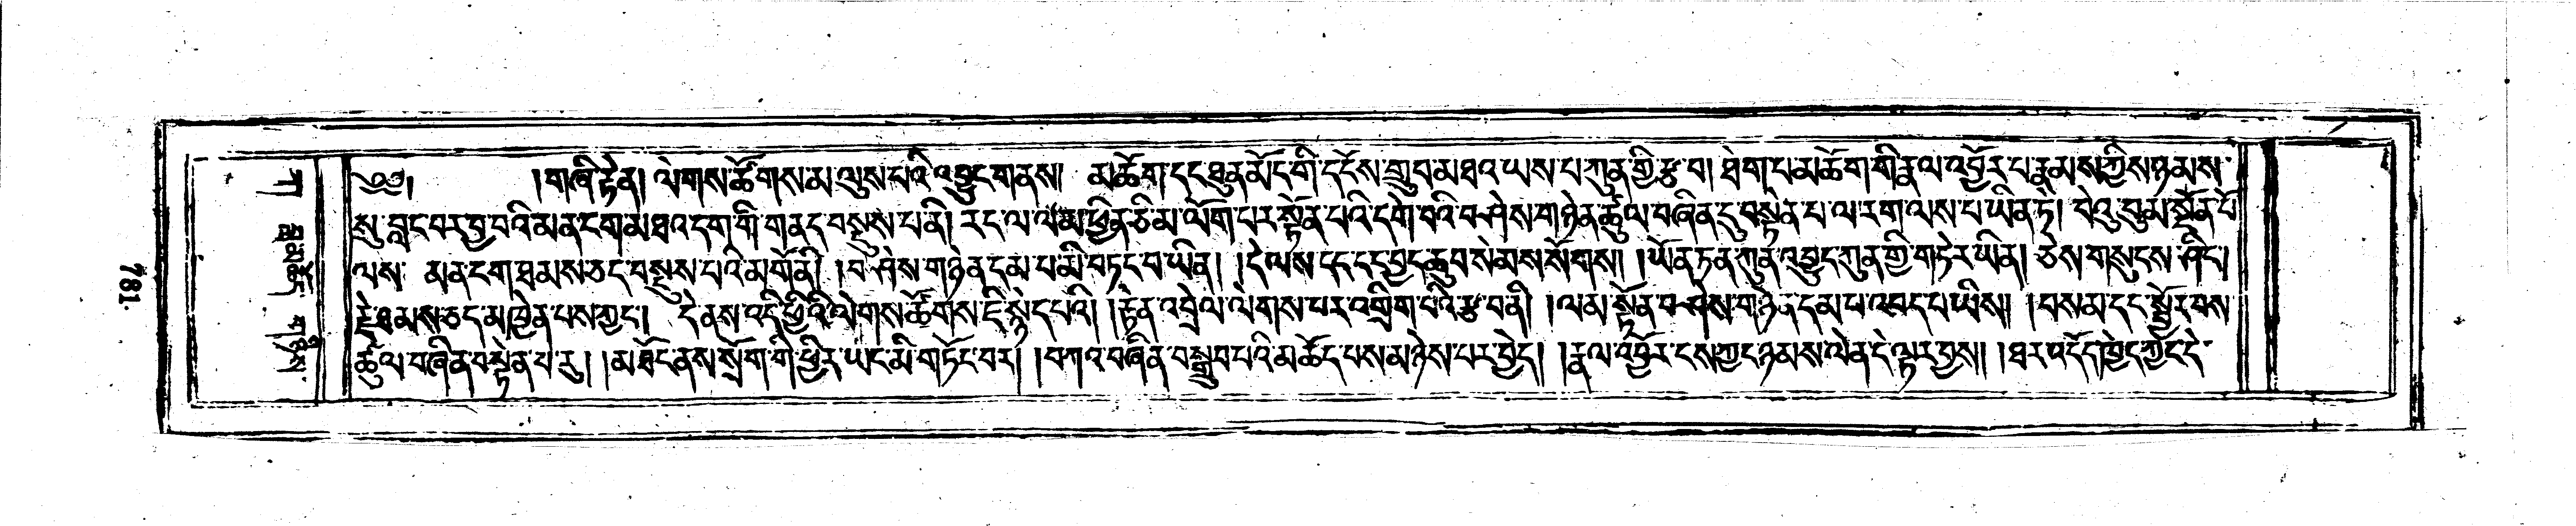༄༅། །གཞི་རྟེན། ལེགས་ཚོགས་མ་ལུས་པའི་འབྱུང་གནས། མཆོག་དང་ཐུན་མོང་གི་དངོས་གྲུབ་མཐའ་ཡས་པ་ཀུན་གྱི་རྩ་བ། ཐེག་པ་མཆོག་གི་རྣལ་འབྱོར་པ་རྣམས་ཀྱིས་ཉམས་
སུ་བླང་བར་བྱ་བའི་མན་ངག་མཐའ་དག་གི་གནད་བསྡུས་པ་ནི། རང་ལ་ལམ་ཕྱིན་ཅི་མ་ལོག་པར་སྟོན་པའི་དགེ་བའི་བཤེས་གཉེན་ཚུལ་བཞིན་དུ་བསྟེན་པ་ལ་རག་ལས་པ་ཡིན་ཏེ། བེའུ་བུམ་སྔོན་པོ་
ལས། མན་ངག་ཐམས་ཅད་བསྡུས་པའི་མགོ་ནི། །བཤེས་གཉེན་དམ་པ་མི་བཏང་བ་ཡིན། །དེ་ལས་དད་དང་བྱང་ཆུབ་སེམས་སོགས། །ཡོན་ཏན་ཀུན་འབྱུང་ཀུན་གྱི་གཏེར་ཡིན། ཅེས་གསུངས་ཤིང་།
རྗེ་ཐམས་ཅད་མཁྱེན་པས་ཀྱང་། དེ་ནས་འདི་ཕྱིའི་ལེགས་ཚོགས་ཇི་སྙེད་པའི། །རྟེན་འབྲེལ་ལེགས་པར་འགྲིག་པའི་རྩ་བ་ནི། །ལམ་སྟོན་བཤེས་གཉེན་དམ་པ་འབད་པ་ཡིས། །བསམ་དང་སྦྱོར་བས་
ཚུལ་བཞིན་བསྟེན་པ་རུ། །མཐོང་ནས་སྲོག་གི་ཕྱིར་ཡང་མི་གཏོང་བར། །བཀའ་བཞིན་བསྒྲུབ་པའི་མཆོད་པས་མཉེས་པར་བྱེད། །རྣལ་འབྱོར་ངས་ཀྱང་ཉམས་ལེན་དེ་ལྟར་བྱས། །ཐར་འདོད་ཁྱེད་ཀྱང་དེ་